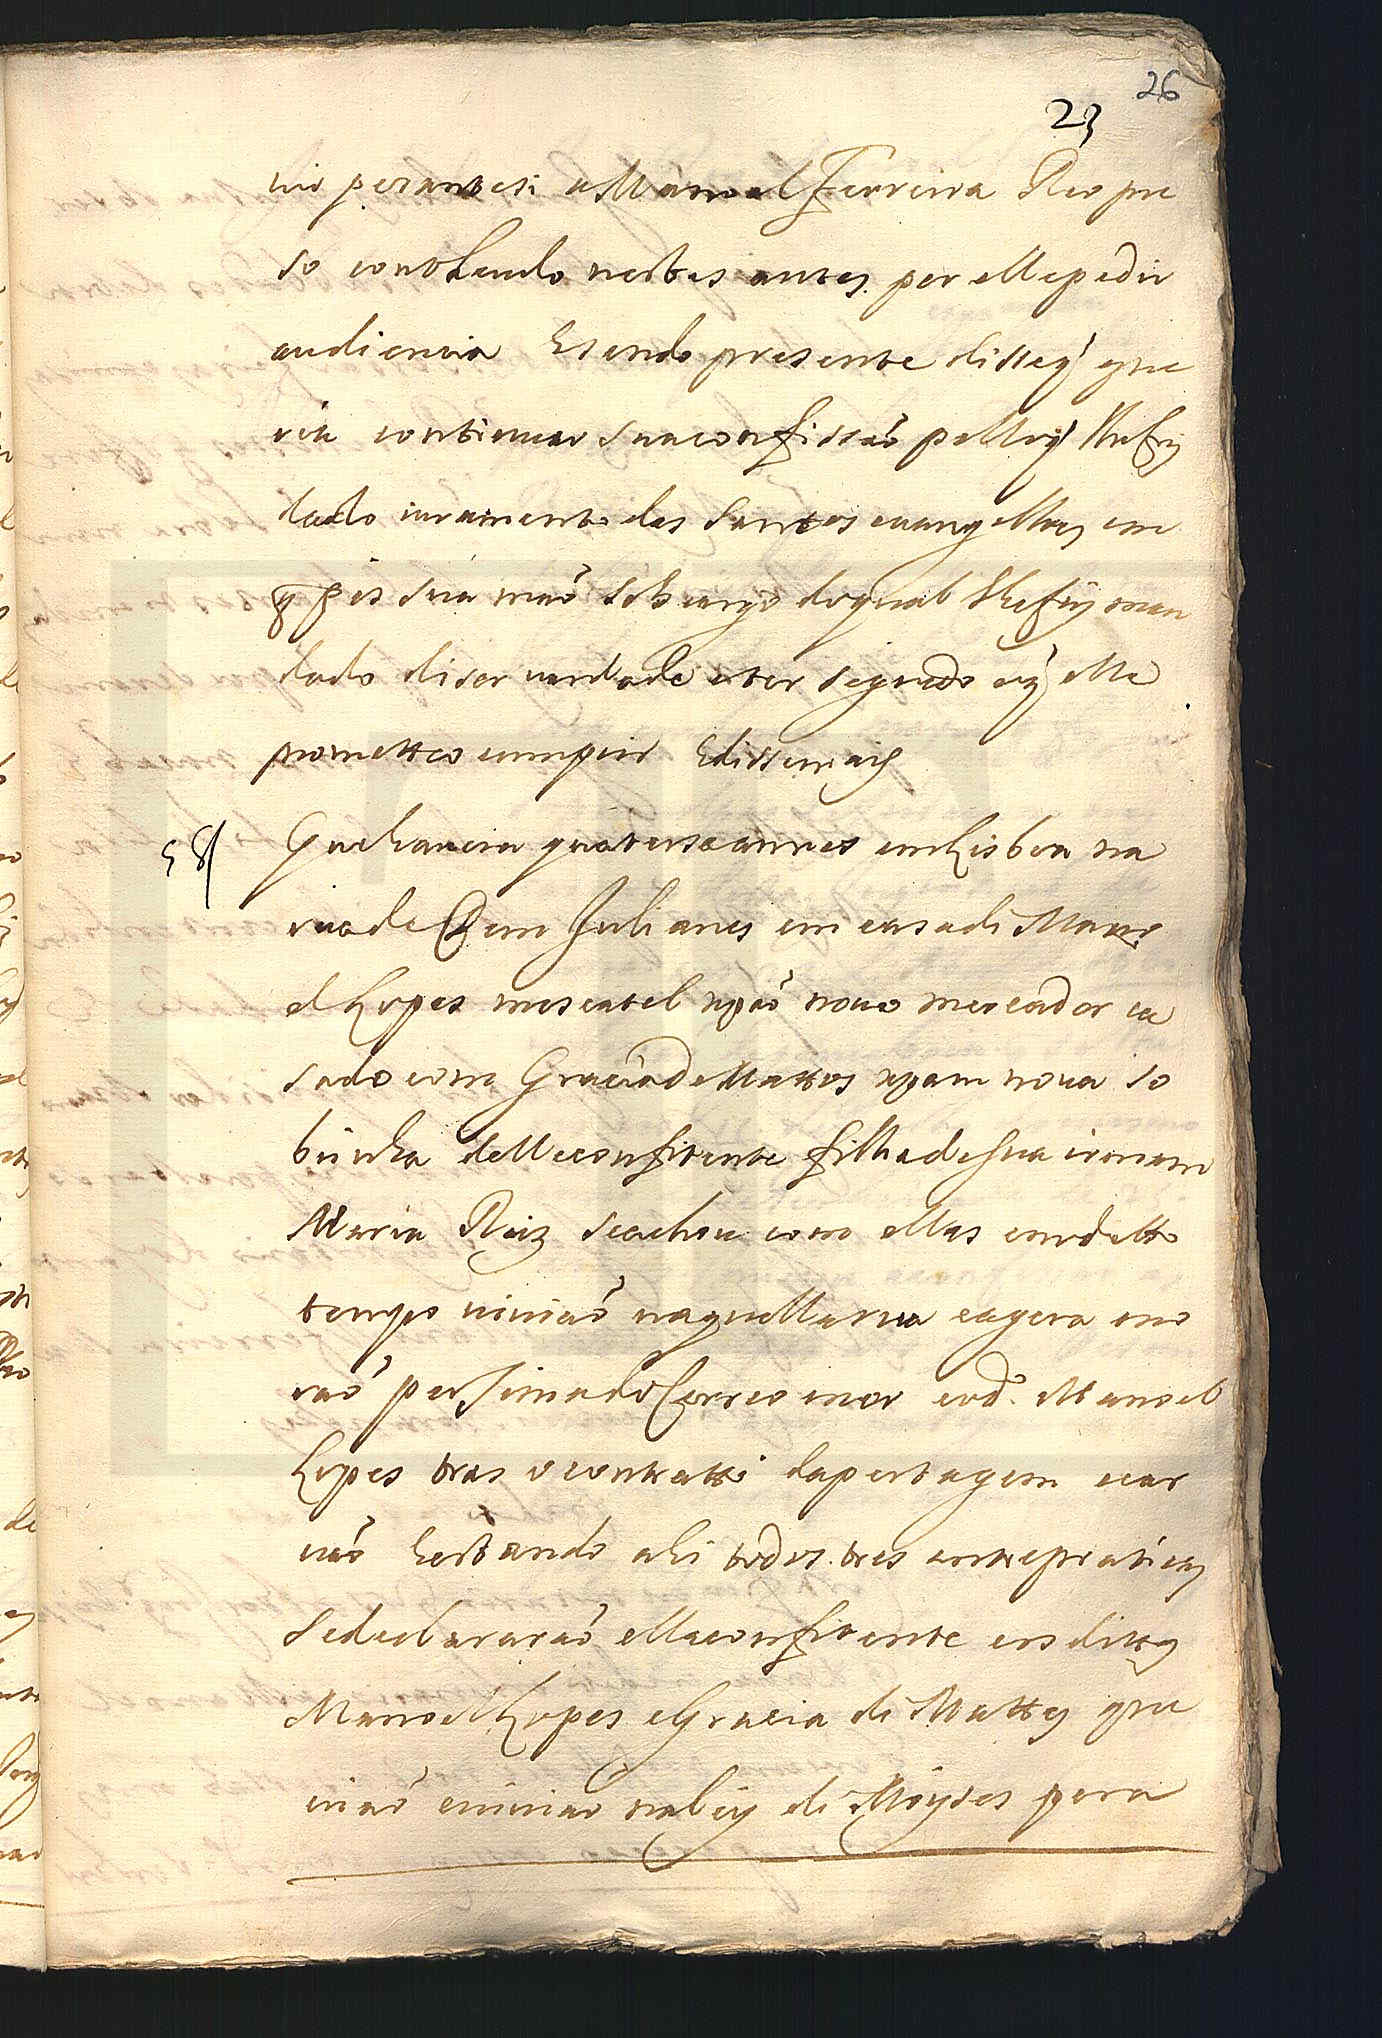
uir perante si a Manoel Ferreira Reo pre
so contheudo nestes autos por elle pedir
audiencia E sendo presente disse q̄ que
ria continuar sua confissaõ pello q̄ lhe foy
dado iuramento dos Santos euangelhos em
q̄ pos sua mão sob cargo do qual lhe foy man
dado diser uerdade e ter segredo o q̄ elle
prometteo cumprir. E disse mais
Que hauera quatorse annos em Lisboa na
rua de Dom Julianes em casa de Mano
el Lopes moscatel xpaõ nouo mercador ca
sado com Gracia de Mattos xpam noua so
brinha delle confitente filha de Sua irmam
Maria Roiz se achou com ellas e no ditto
tempo uiuiaõ naquella rua e agora mo
raõ por sima do Correo mor e o do. Manoel
Lopes tras o contratto da portagem e car
uaõ E estando ahi todos tres antre praticas
se declararaõ elle confitente e os dittos
Manoel Lopes e Gracia de Mattos que
criaõ e uiuiaõ na ley de Moyses pera
